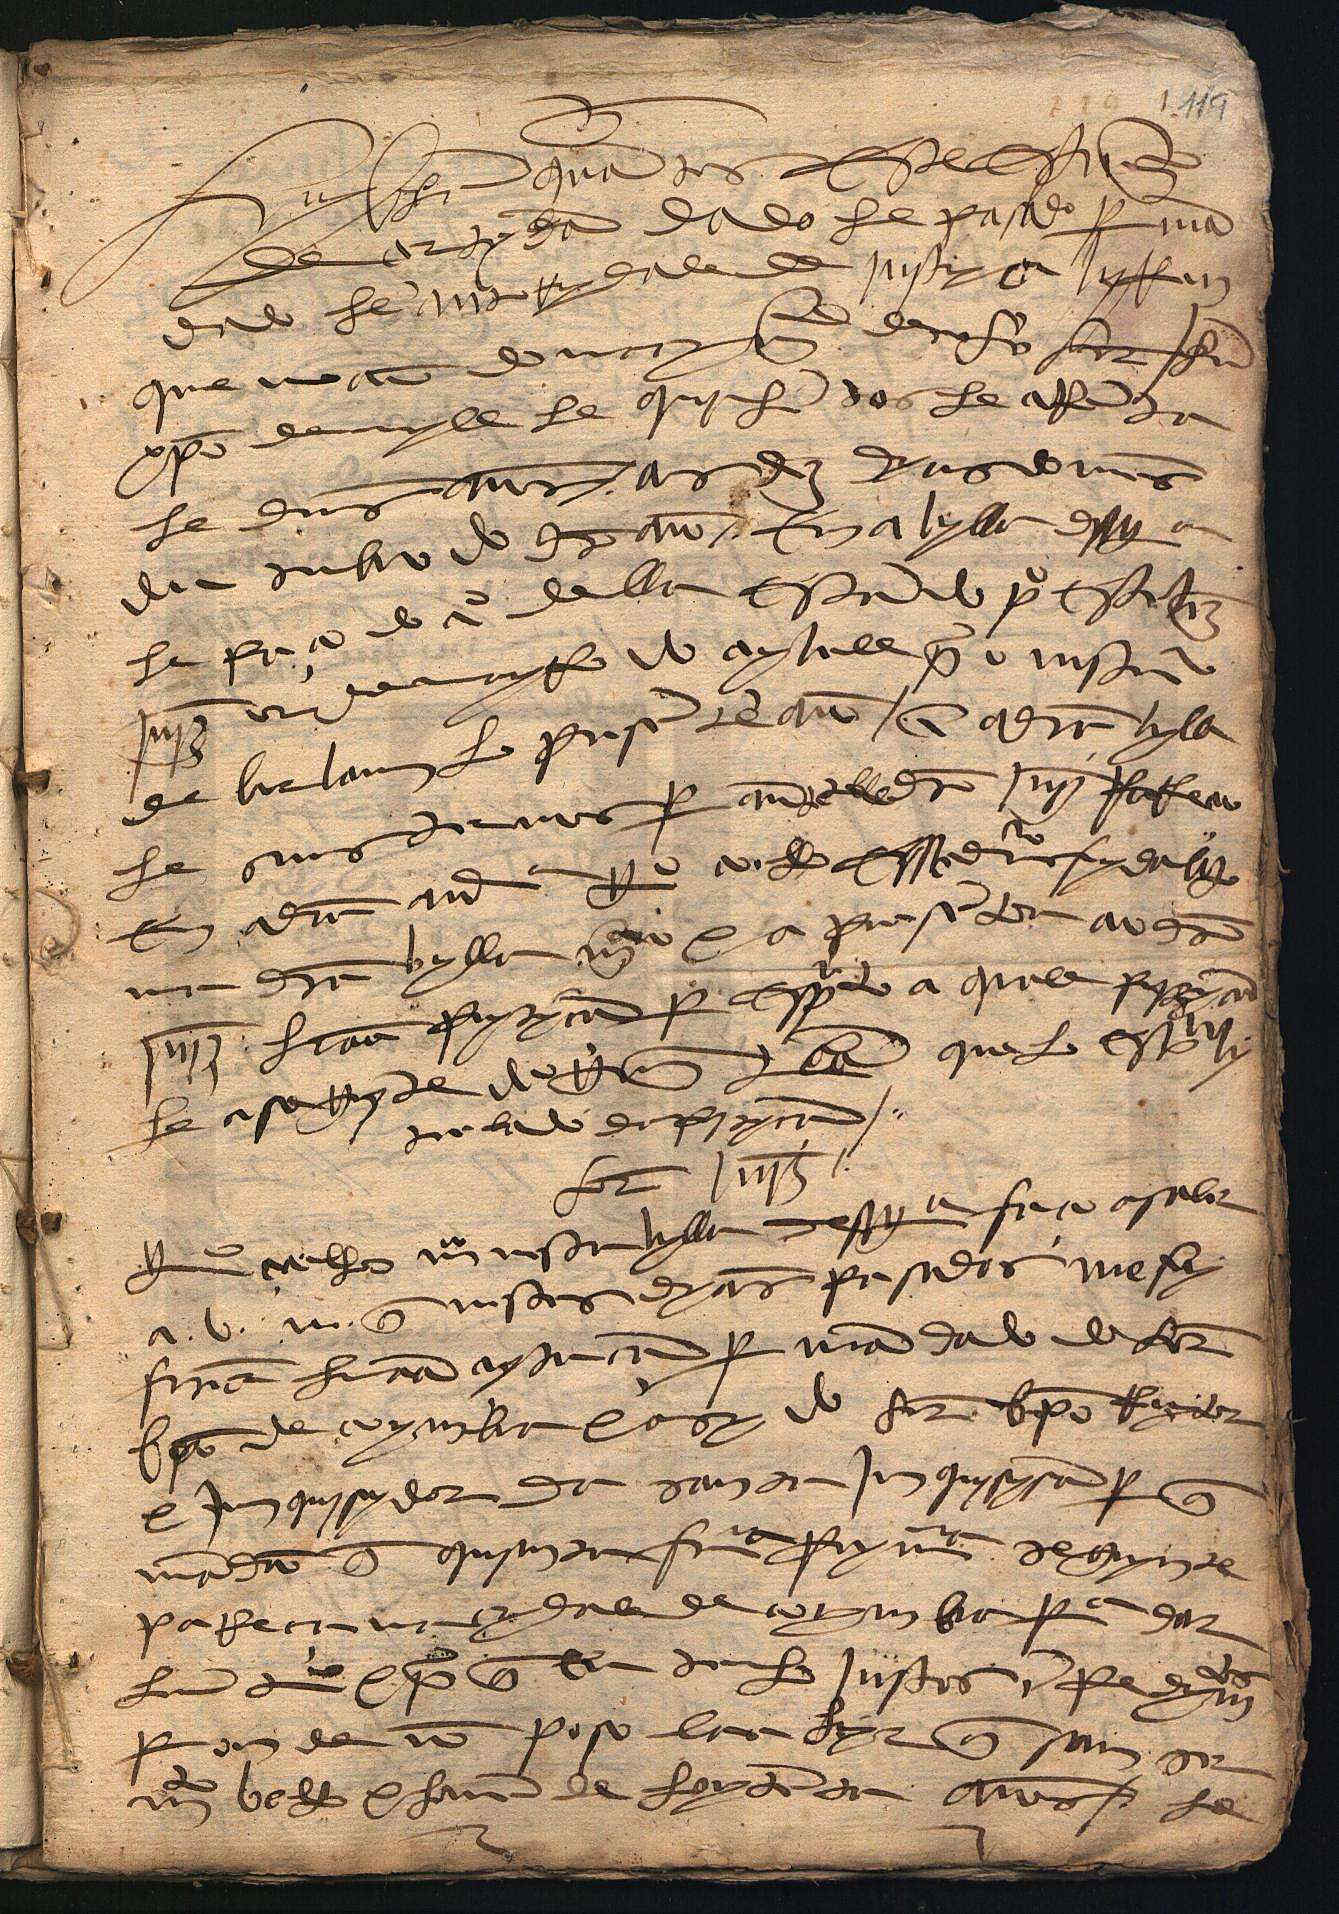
Saybhā quātos Este Estormto
de çertydā dado he pasado ꝑ mā
dado he autorRydade de justyça vyRem
que no nāo do nacymto de nosso sōr Jhū
xp̄o de myll he quynhētos he coRēta
he dous an̄os/. aos dez dyas do mes
doutubro do dt̄o an̄o /. Em a vylla djsga
he paço do co della Estādo po Estevez
Juiz ordenayRo do cyvell p̄o o mstro
de lorvam ho presēte an̄o /. ē a dt̄a vylla
he seus termos ꝑante elle dt̄o jujz paReçeo
Em a dt̄a auda go coelho Esscodro e fydalgo
na dt̄a vylla mro e apresētou ao dt̄o
juiz hūaa pytyçā ꝑ Espito a quall pytycā
he a segȳte do gēz tbā que ho Espivy
trelado da pjtyçā /:
Sōr jujz /.
go coelho mro nesta vyla dessga faço a saber
a. v. m. q̄ nestes dyas pasados me foy
fct̄a huaā cytaçā ꝑ mādado do sōr
bp̄o de coymbra e asy do sōr bp̄o Reytor
e Jmqujsydor da santa Jmquysysā ꝑ q̄
mādão q̄ qujmta frra prymra seguynte
paReça na cydade de coymbra ꝑa dar
hū to e p̄oq̄ Eu tenho Justos ēpedymtos
ꝑ omde n̄o poso laa hyr q̄ sam ser
mto velho e homē de hoytēta an̄os / he
